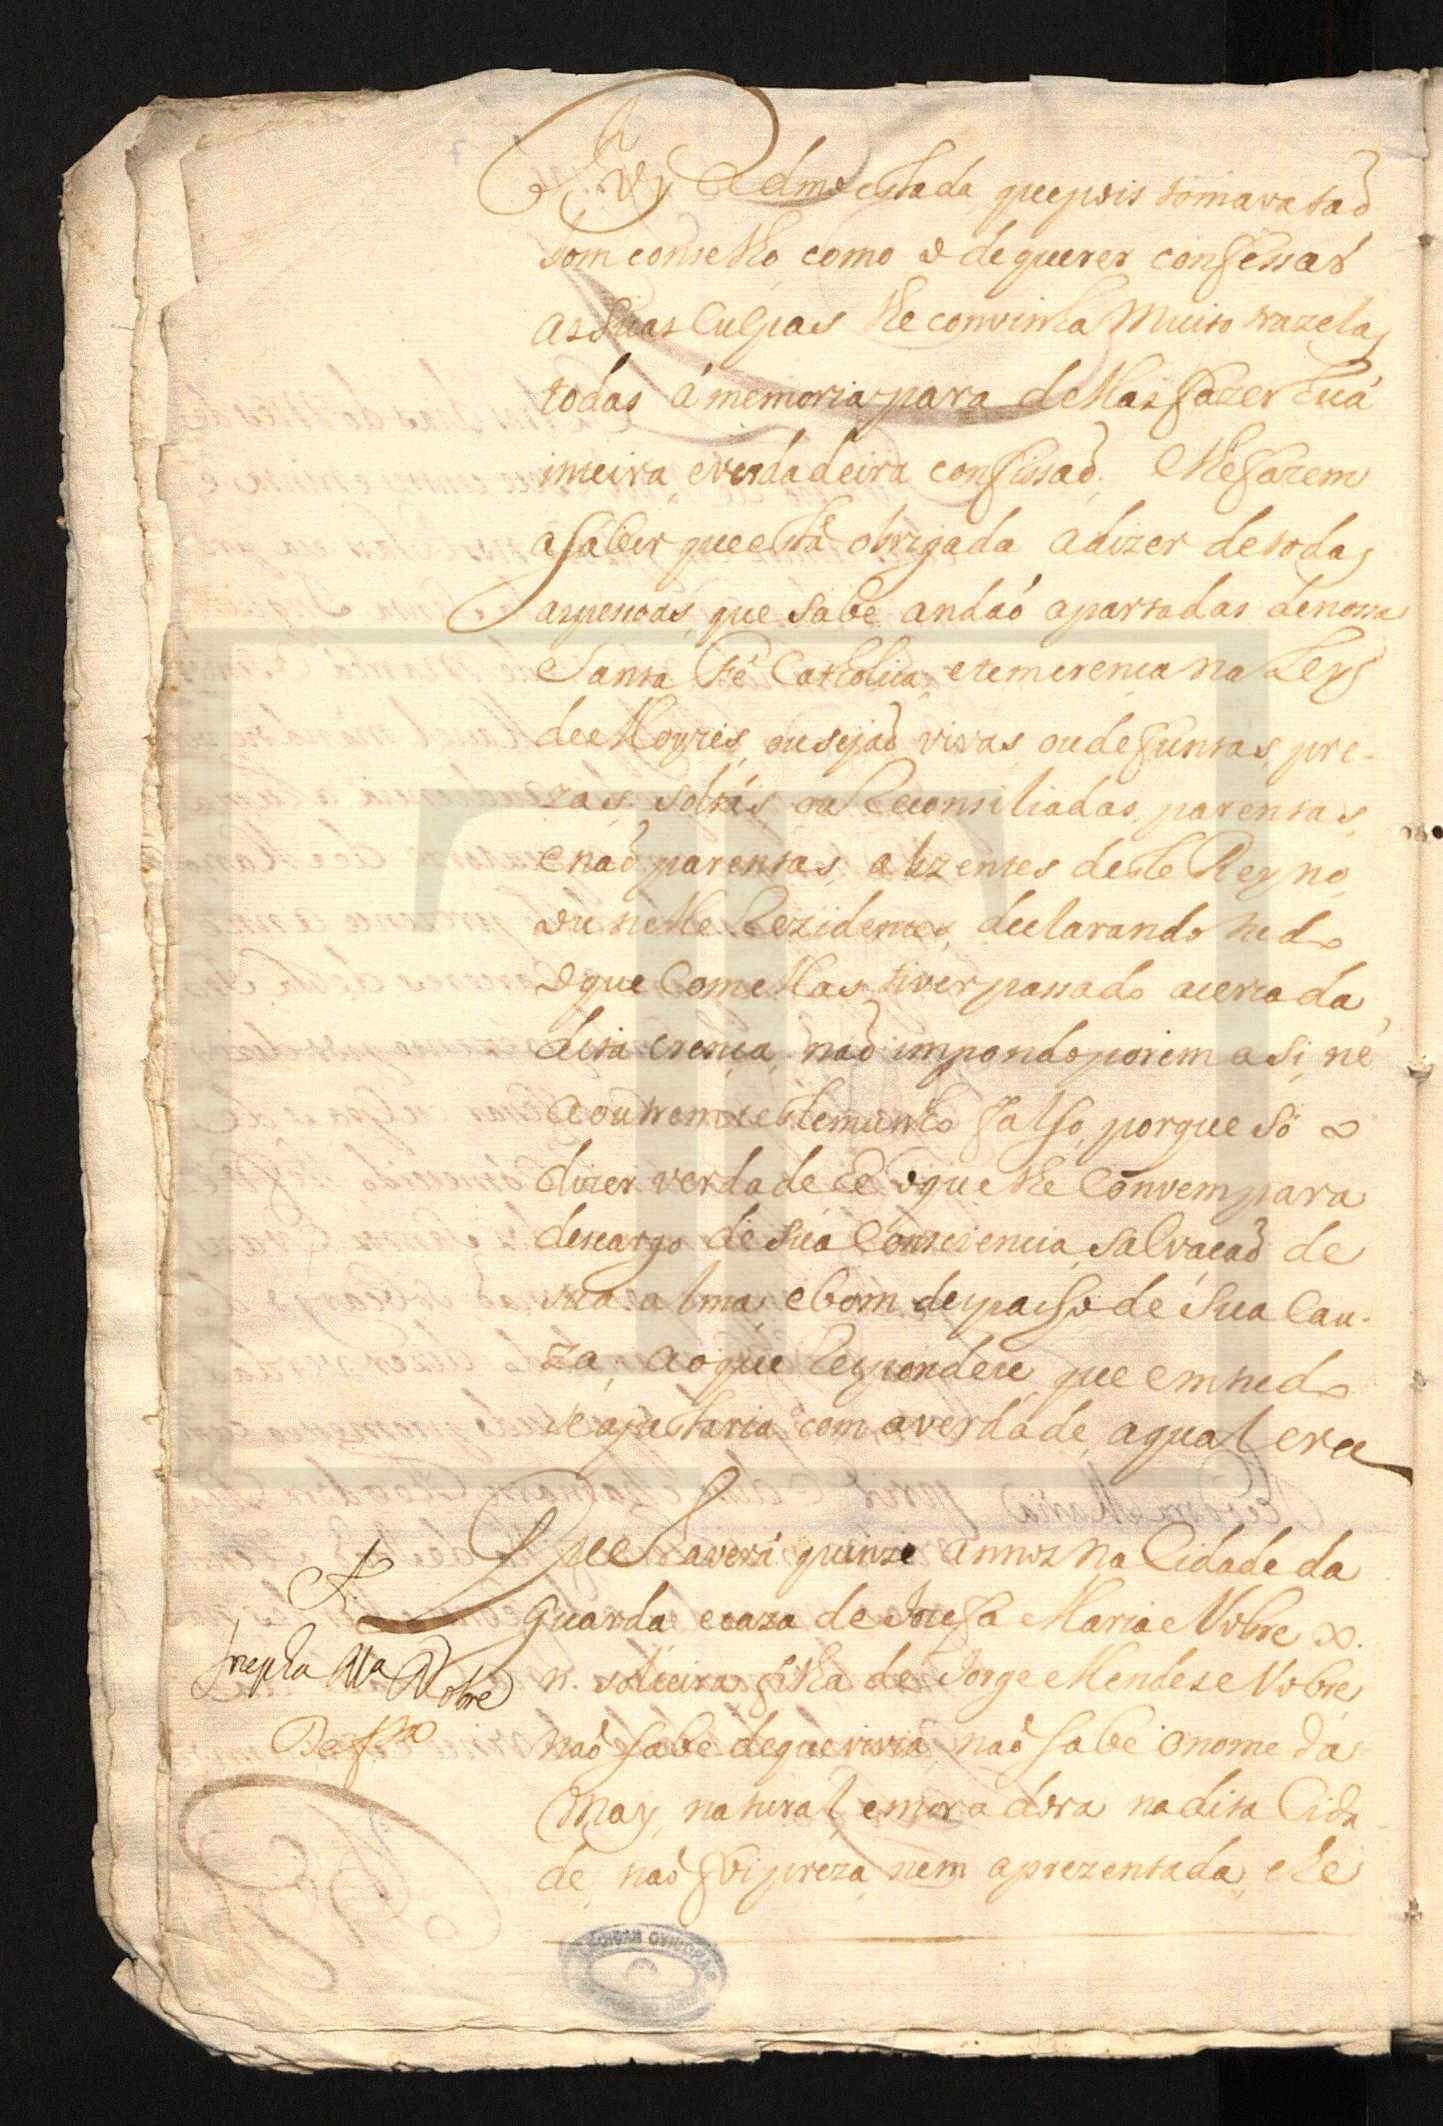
Foy admoestada que pois tomava taõ
bom conselho como o de querer confessar
as duas Culpas lhe convinha Muito trazelas
todas a memoria para dellas fazer huā
inteira, e verdadeira confissaõ; e lhe fazem
a saber que está obrigada a dizer de todas
as pessoas, que sabe andaõ apartadas de nossa
Santa Fé Catholica, e tem crença na Ley
de Moyzés, ou sejaõ vivas ou defuntas pre
zas, soltás ou Reconsiliadas parentas
e naõ parentas, abezentes deste Reyno
ou nelle Rezidentes, declarando tudo
o que com ellas tiver passado acerca da
dita crença, naõ impondo porem a si, nē
a outrem testemunho falso, porque só a
dizer verdade he o que lhe convem para
descargo de sua consciencia, salvaçaõ de
sua alma e bom despacho de sua cau
za, ao que Respondeu que em tudo
se ajustaria com a verdade, a qual era
Que haverá quinze annos na Cidade da
A.
Guarda, e caza de Iozefa Maria Nobre x.
Jozepha Ma Nobre
n. solteira, filha de Iorge Mendes e Nobre
Def.ta
naõ sabe de que vivia, naõ sabe o nome da
May, natural, e moradora na dita Cida
de, naõ foi preza nem aprezentada, e he
